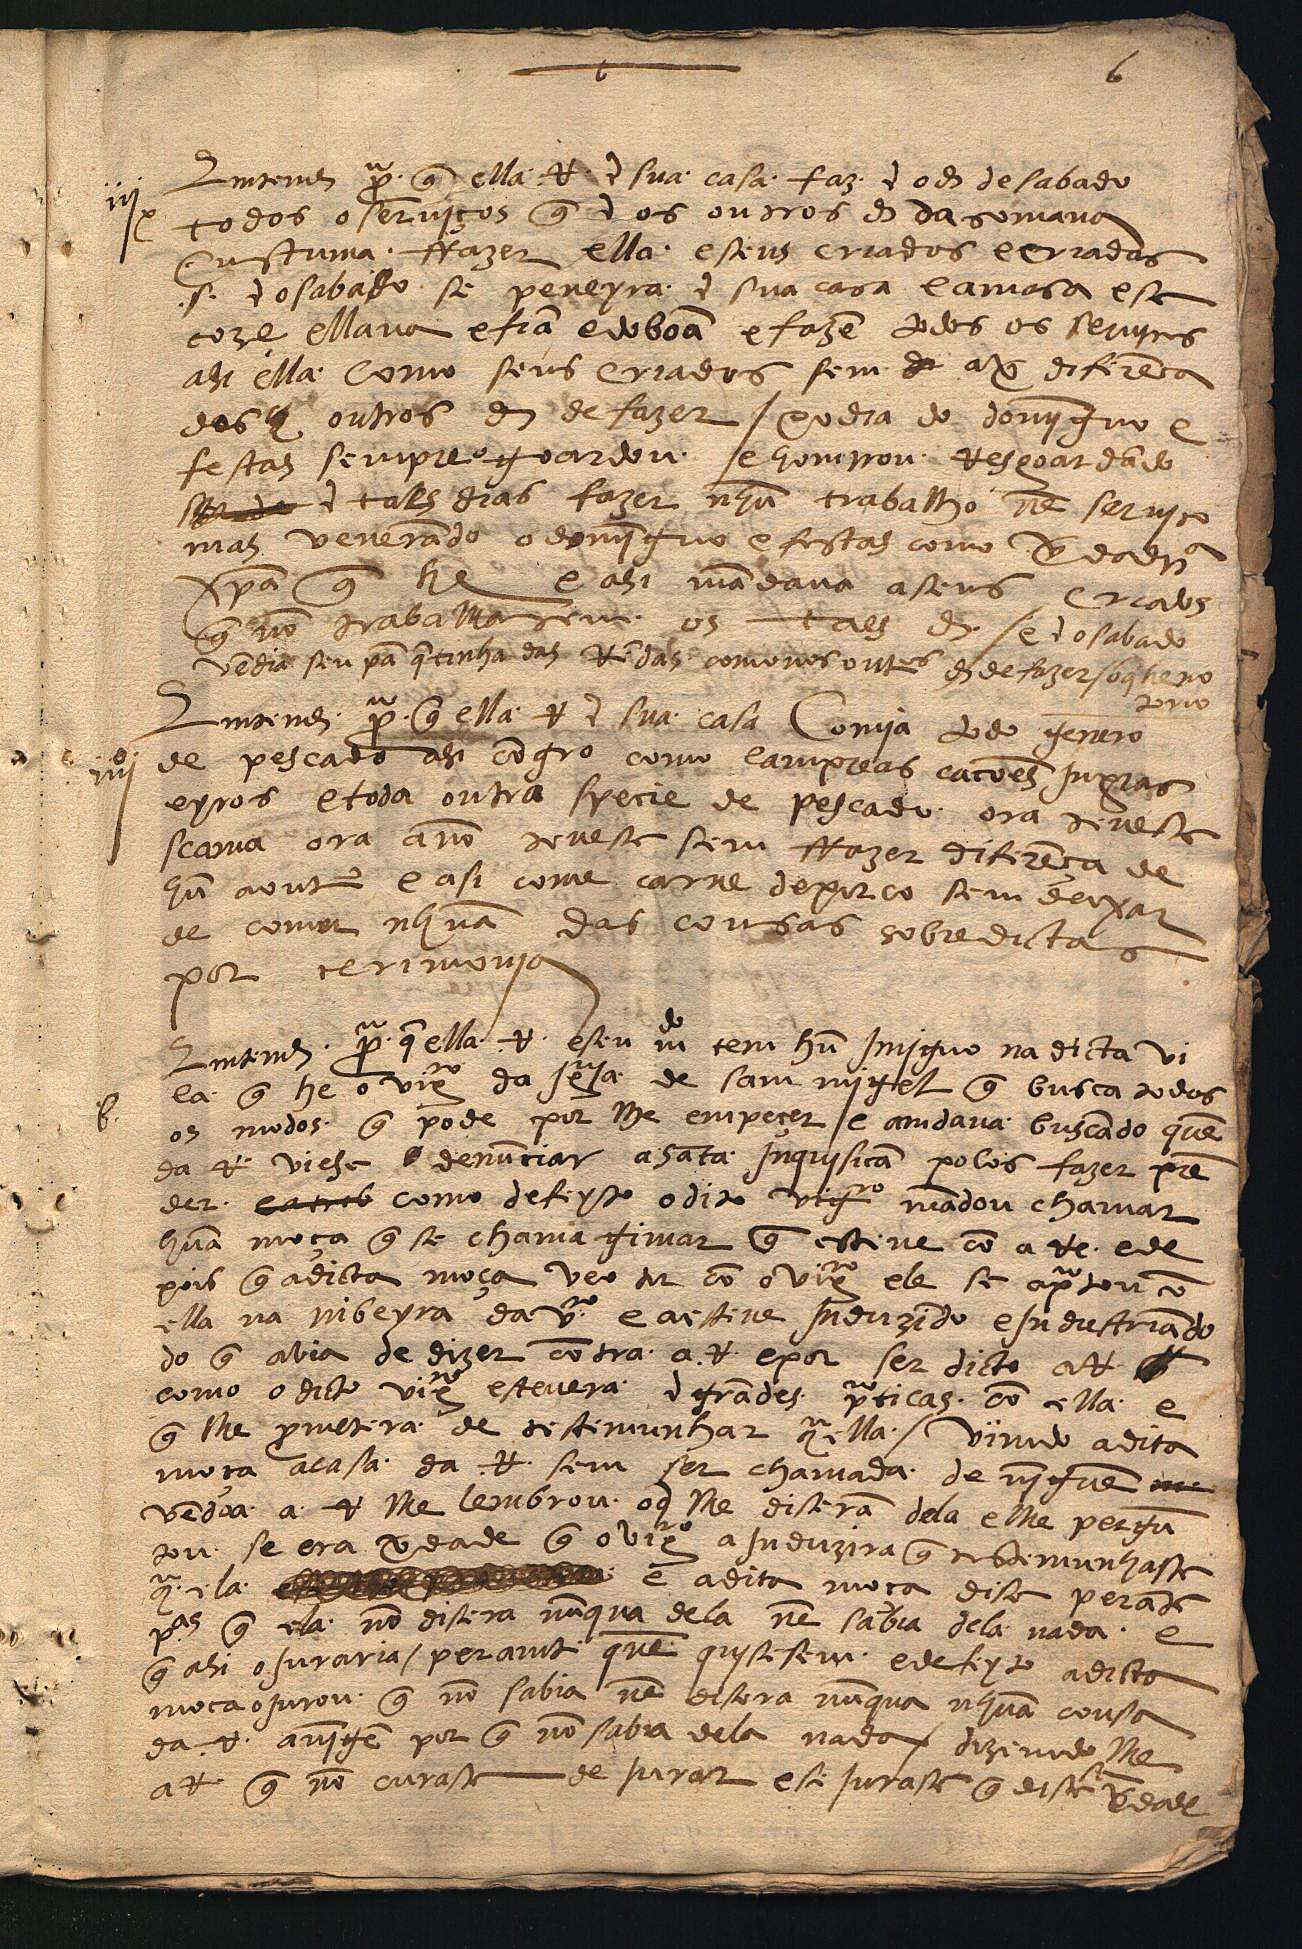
Emtemdi ꝓ̄. q̄ ella. R. ē sua. casa. faz. ē o di de sabado
todos o serujços q̄ ē os outros di da somana
Custuma . ffazer ella . e seus criados e criadas
.s. ē o sabado se peneyra. ē sua casa e amasa e se
coze e llaua e fiā e doboā e fazē todos os serujcos
asi ella. como seus criados sem _ aꝟ difer̄eca
dos_ outros di de fazer / e o dia do dom̄jguo e
festas sempre o goardou. e homrrou . Resgoardādo
s__ ē taes dias fazer n̄hu trabalho n̄e serujco
mas vener̄ado o dom̄jguo e festas como ꝟdadrra
Xpā q̄ he e asi m̄adaua a seus criados
q̄ n̄o trabalhasem. os taes di / e ē o sabado
vēdia seu p̄a q̄ tinha das Rēdas. como nos outos di de fazer / o q̄ he no
torio
Emtendi ꝓ̄ q̄ ella. R ē sua. casa Comja todo genero
de pescado asi c̄ogro como lampreas cacões Jngias
eyros e toda outra specie de pescado. ora teuese
scama ora a n̄o teuese sem ffazer difer̄eça de
hū a outo e asi come carne de porco sem deixar
de comer nhūa das cousas sobredictas
por cerimonja
Emtendj. ꝓ̄. q̄ ella. R. e seu mdo tem hū Jmjguo na dicta vi
la. q̄ he o vigro da Jḡja. de sam mjgeL q̄ busca todos
os modos. q̄ pode por lhe empeçer e amdaua. busc̄ado qūe
da R. viese _ denūciar a sāta. Jnqujsicā polos fazer pr̄e
der. e a treb como de feyto o dito vigro m̄adou chamar
hūa moça q̄ se chama gimar q̄ esteue c̄o a Re. e de
pois q̄ a dicta moça veo ter c̄o o vigro ele se ap̄tou c̄o
ella na rribeyra davro. e a esteue Jnduzīdo e Jndustrīado
do q̄ avia de dizer c̄otra. a R. e por ser dicto a R. _
como o dicto vigro esteuera. ē gr̄ades. p̄ticas. c̄o ella. e
q̄ lhe ꝓmetera. de testemunhar ꝯ̄ ella. / Vimdo a dita
moça a casa. da .R. sem ser chamada. de n̄jgūe _
vēdoa. a. R lhe lembrou. o q̄ lhe diser̄a dela e lhe perḡu
tou. se era ꝟdade q̄ o vigro a Jnduzira q̄ testemunhasse
ꝯ̄. ela. _ e a dita moça dise perāte
p.as q̄ ela. n̄o disera n̄uqua dela n̄e sabia dela. nada. e
q̄ asi o Juraria / peramte q̄ue qujsesem. e de feyto a dicta
moca o jurou. q̄ n̄o sabia n̄e disera n̄uqua nhūa cousa
da .R. a n̄jgē porq̄ n̄o sabia dela nada / dizemdo lhe
a R. q̄ n̄o curasse de Jurar e se Jurase q̄ dise
sa
ꝟdade
